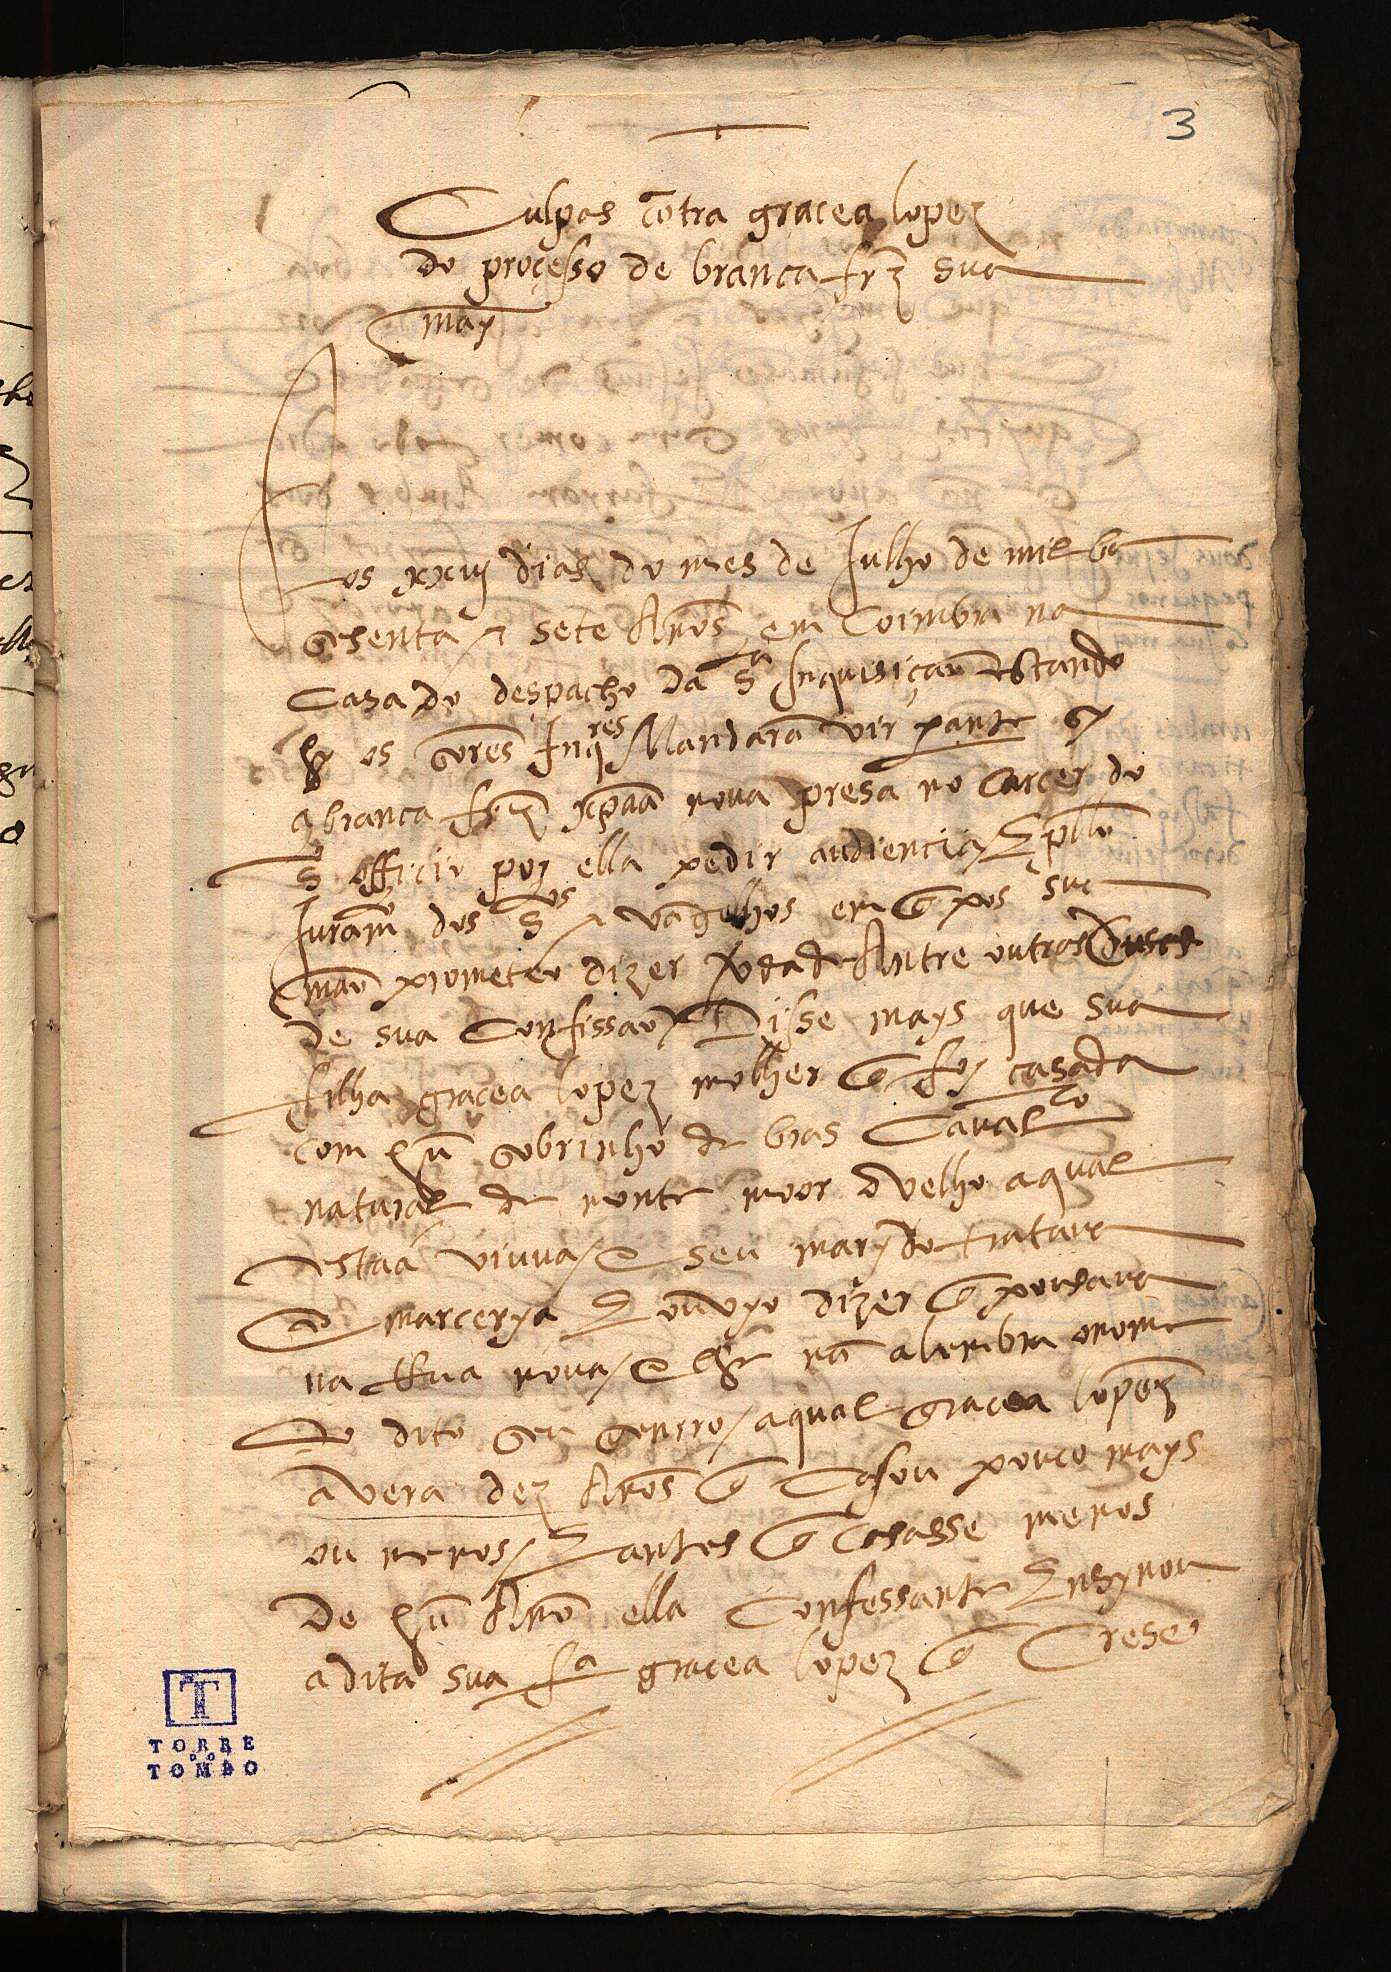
Culpas cōtra gracea lopez
do processo de branca frz̄ sua
mãy
Aos xxiij dias do mes de Julho de mil bc
sesenta e sete An̄os em Coimbra na
Casa do despacho da Sta Jnquisição estando
hy os s̄ores Jnqres Mandarā vir ꝑante sy
a branca fr̄z xpāa noua presa no carer do
sto officio por ella pedir audiencia E p̄llo
Juramto dos Stos evāgelhos em q̄ pos sua
mão prometeo dizer ꝟdade Antre outras cousas
de sua Confissaõ Disse mays que sua
filha gracea lopez molher q̄ foj casada
com hū sobrinho de bras Caualro
natural de monte moor o velho a qual
estaa viuua / e seu marydo trataua
ē marcerya E ouvyo dizer q̄ pousaua
na Rua noua / e lhe nā alembra o nome
do dito seu genrro / a qual gracea lopez
avera dez An̄os q̄ Casou pouco mays
ou menos / E antes q̄ casasse menos
De hū An̄o ella Confessante Ensynou
a dita sua fa gracea lopez q̄ Crese
3
